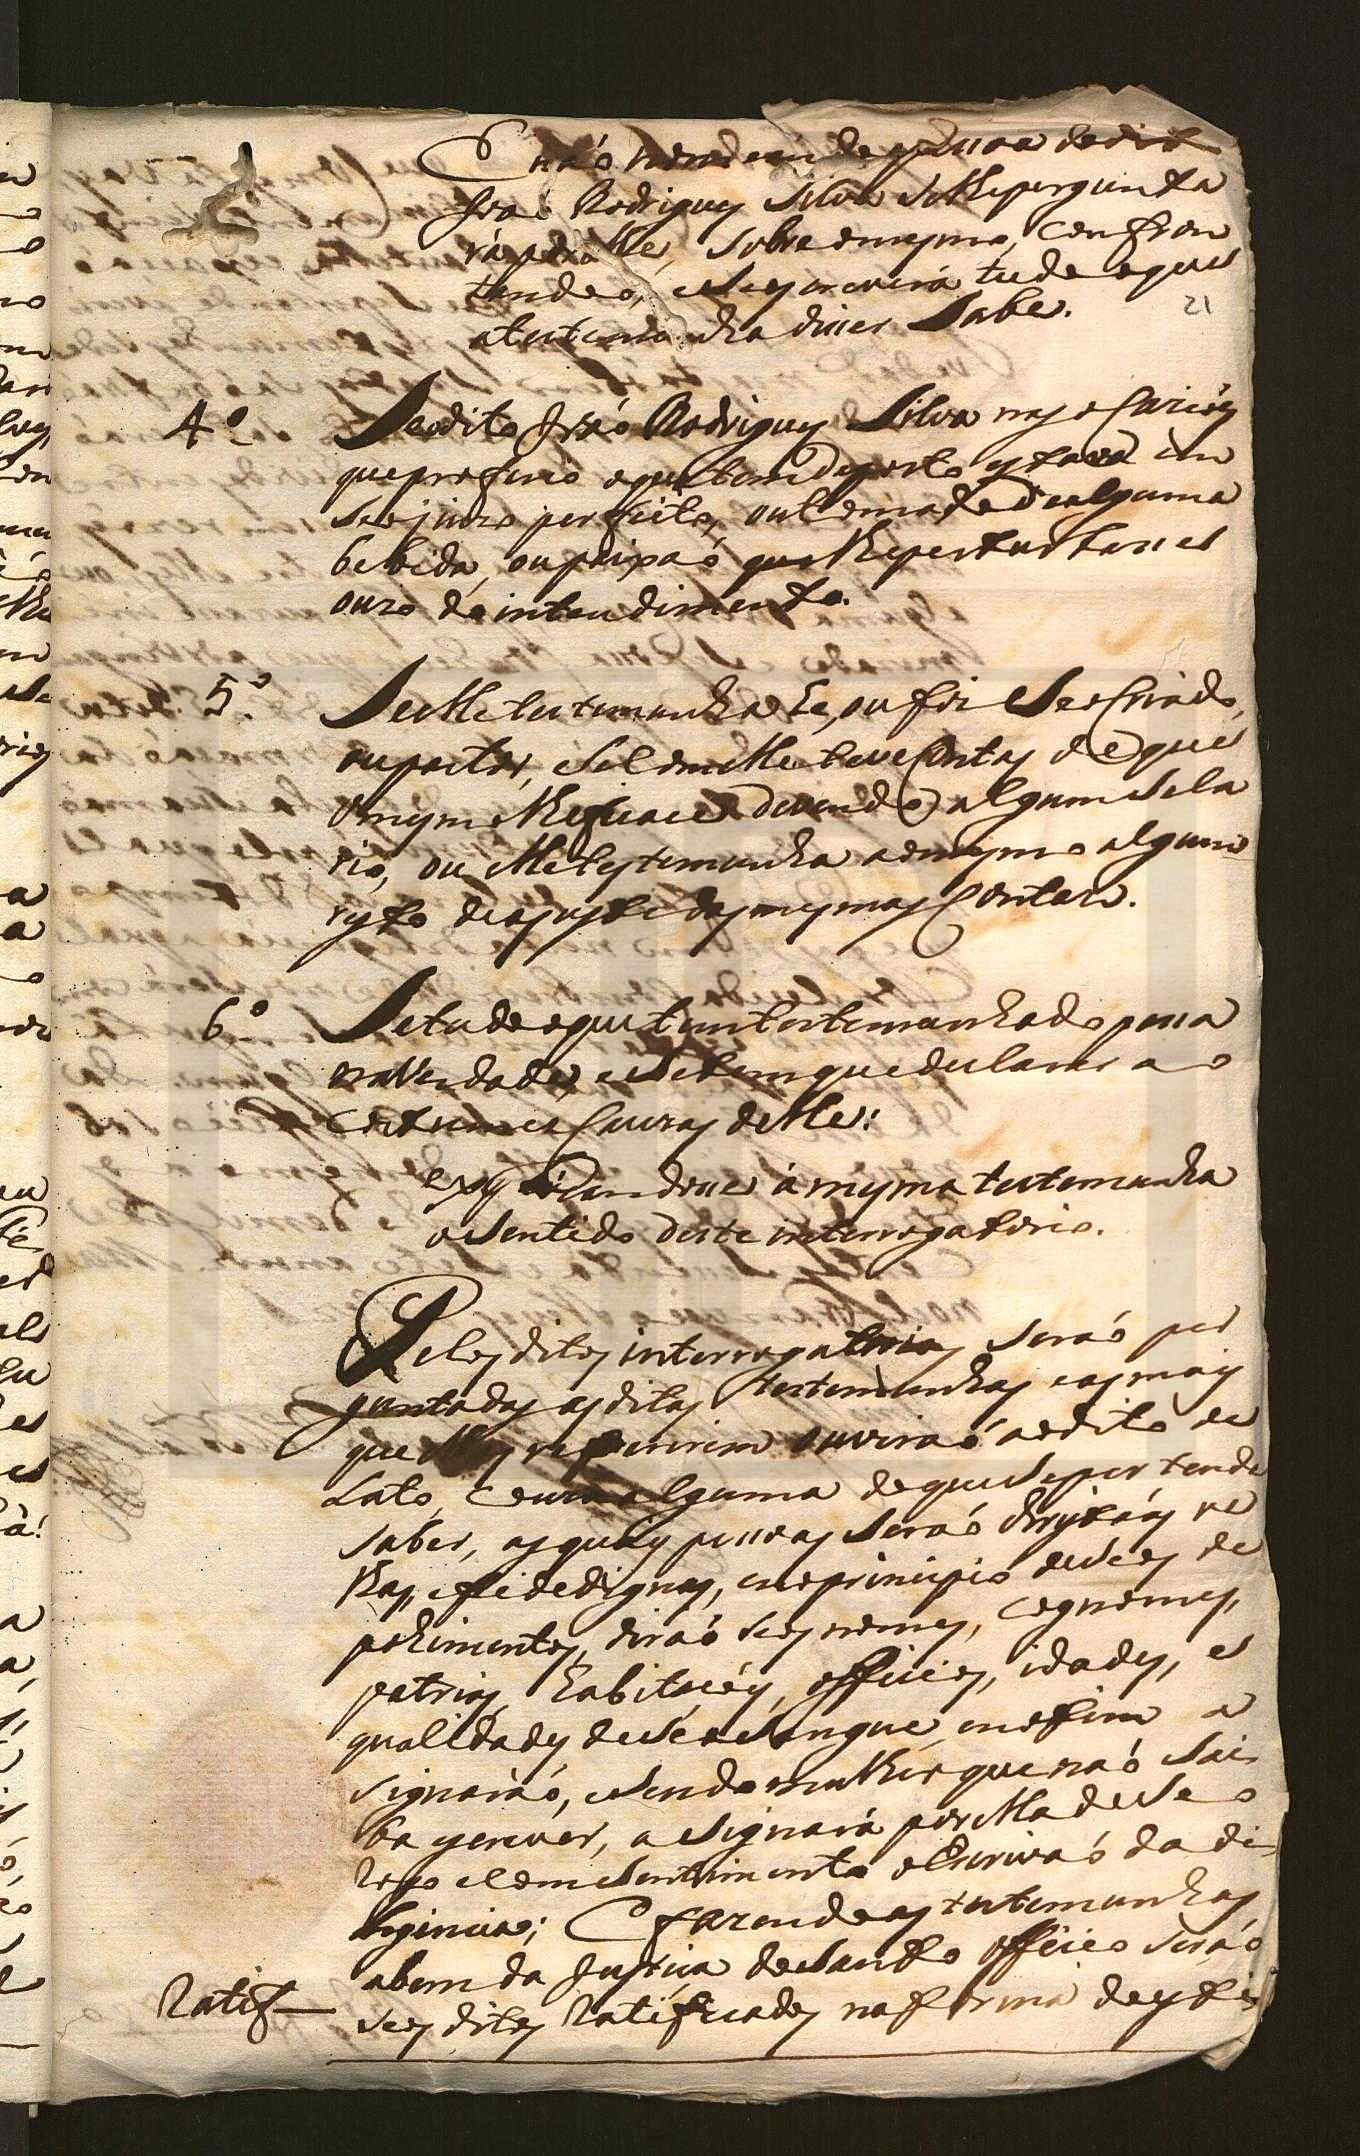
E naõ nomeando a pessoa do dito
Joaõ Rodrigues Silva se lhe pergunta
rá por elle, sobre o mesmo, confron
tandoo, e se escreuerá tudo o que
a testem_nha disser Sabe.
4o. Se o dito Joaõ Rodrigues Silva nas oCaziões
que proferio o que tem deposto estava em
seo juizo perfeito, ou tomado de alguma
bebida, ou paixaõ que lhe perturbasse
o uzo de intendimento.
5.o Se elle testemunha he, ou foi Seo Criado,
ou pastor, Se com elle teue Contas de que
o mesmo lhe ficace devendo algum sela
rio, ou elle testemunha ao mesmo algum
resto de ajuste das mesmas Contas.
6.o Se tudo o que tem testemunhado passa
na verdade, e se tem que declarar ao
costume e Cauzas delle:
explicandosse á mesma testemunha
o sentido deste interrogatorio.
Pelos ditos interrogatorios seraõ per
guntadas as ditas testemunhas e as mais
que ellas referirem ouviraõ ao dito de
Lato, couza alguma do que se pertende
saber, as quais pessoas Seraõ christaās ve
lhas, e fidedignas, e no principio de seos de
pohimentos, diraõ seos nomes, cognomes,
patrias, habitações, officios, idades e
qualidades de seo sangue, e no fim a
signaraõ, e sendo mulher que naõ Sai
ba escrever, asignará por ella de Seo
Rogo e comsentimento o Escrivaõ da di
Ligencia; e fazendo as testemunhas,
a bem da Justiça do Santo offiçio seraõ
Ratif
seos ditos Ratificados na forma do esti
